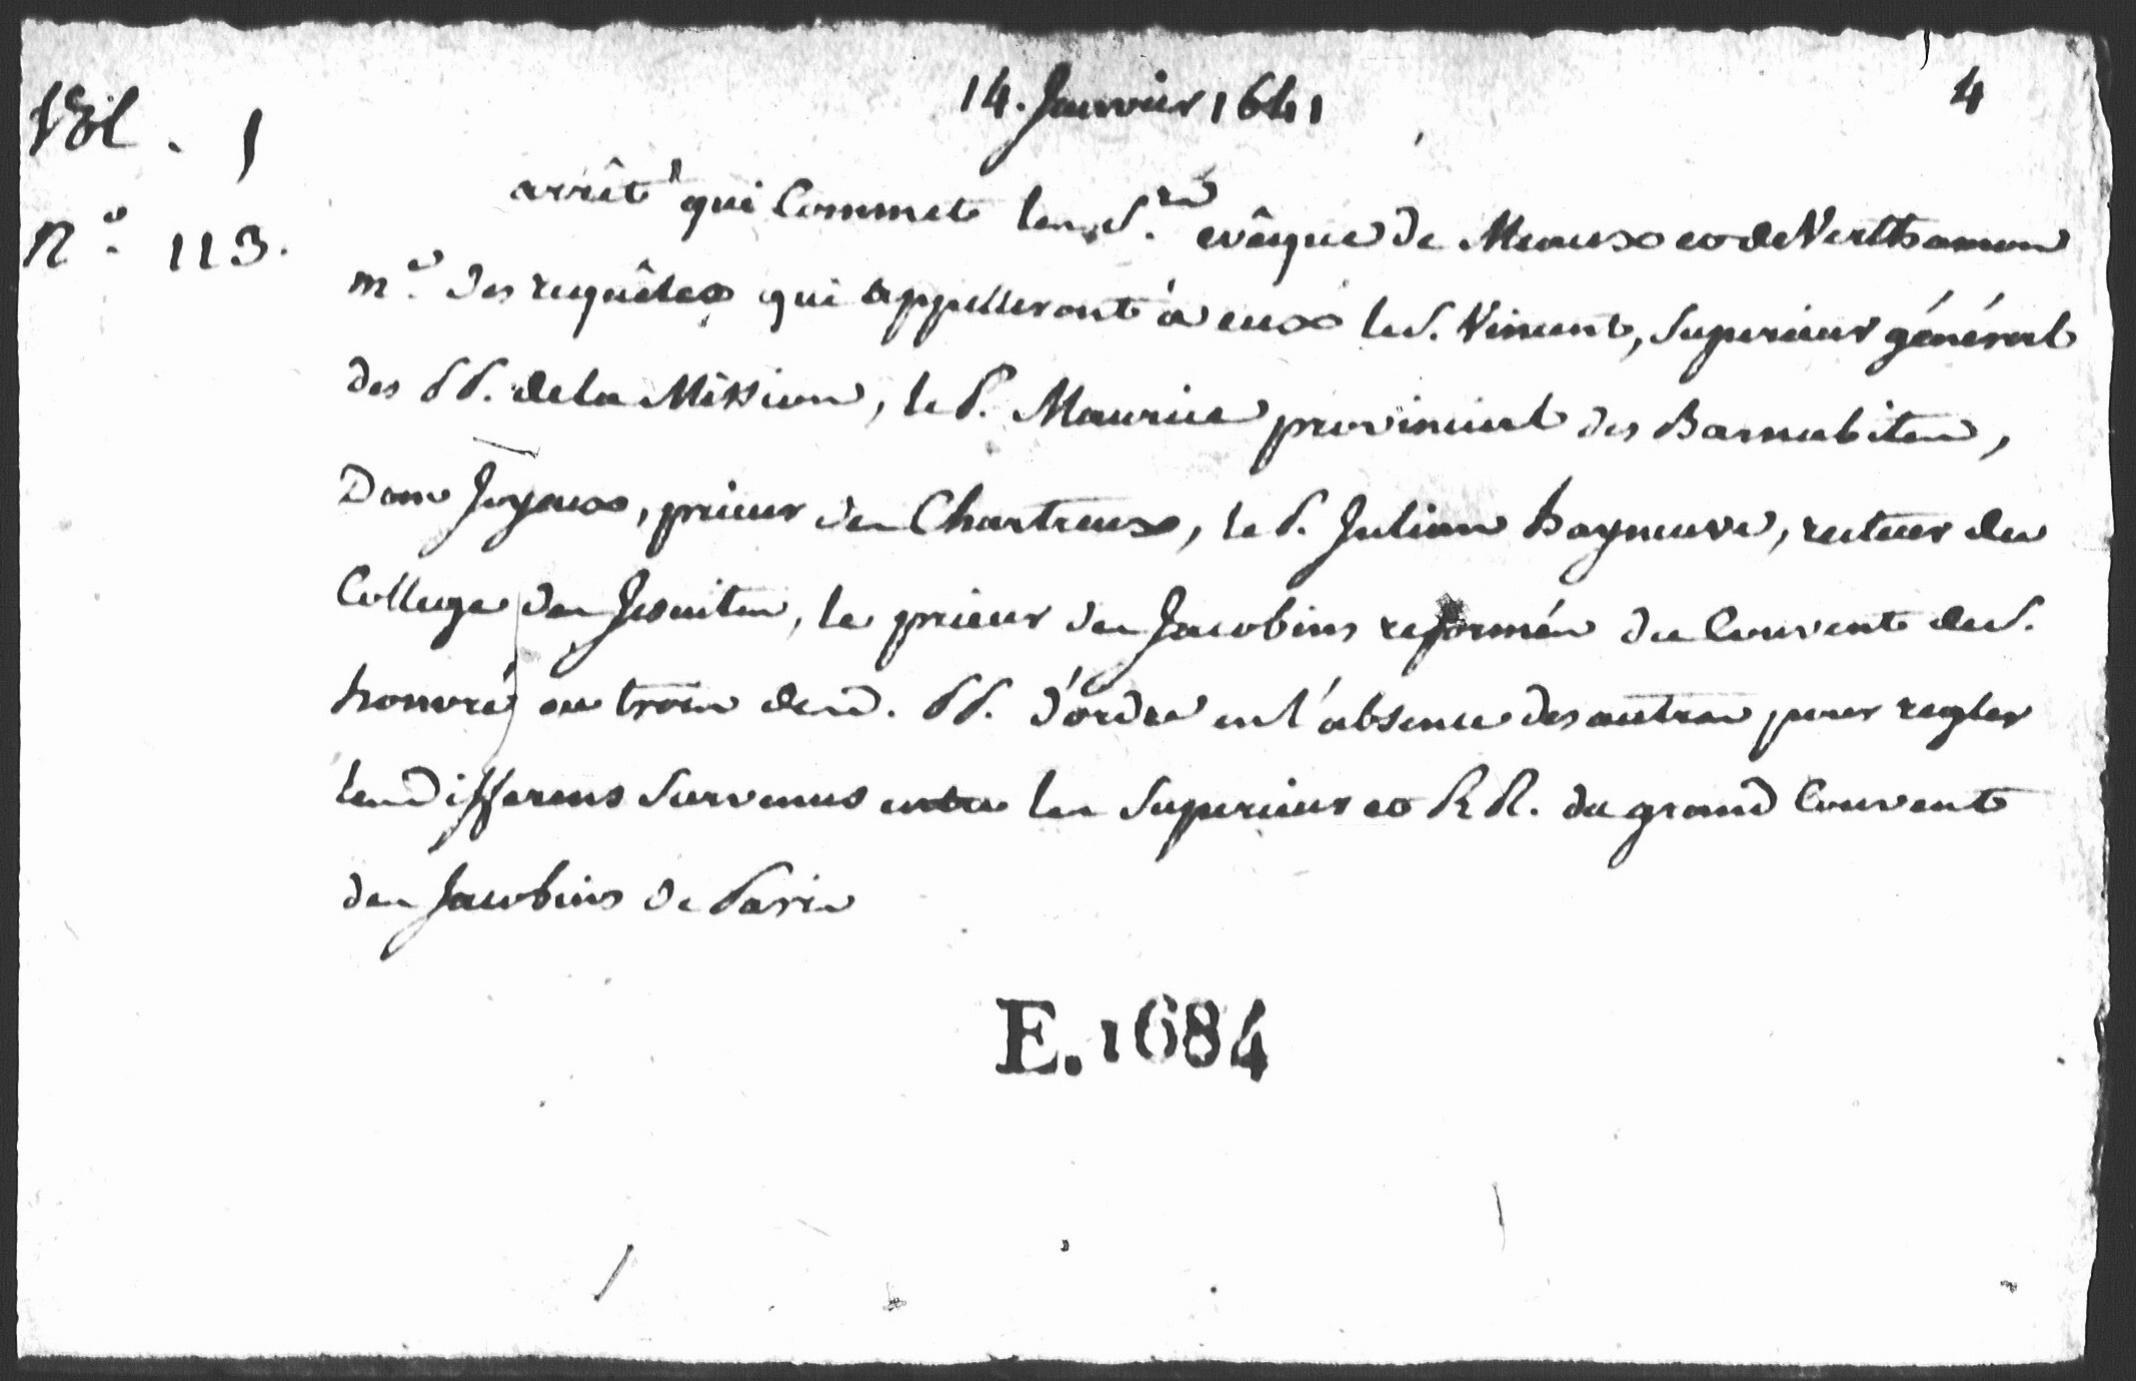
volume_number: n°113
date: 14 janvier 1641
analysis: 4
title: arrêt qui commet les S.rs évêque de Meaux et de Verthamont m.e des requêtes qui appelleront à eux le S. Vincent, superieur général des PP. de la Mission, le P. Maurice provincial des Barnabites, Dom Joyeux, prieur des Chartreux, le P. Julian Hayneuve, recteur du collège des Jesuites, le prieur des Jacobins reformés du couvent de S. Honoré ou trois desd. PP. d'ordre en l'absence des autres pour regler les differens survenus entre les les Superieur et RR. du grand couvent des Jacobins de Paris
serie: E
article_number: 1684
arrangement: vol. 1
